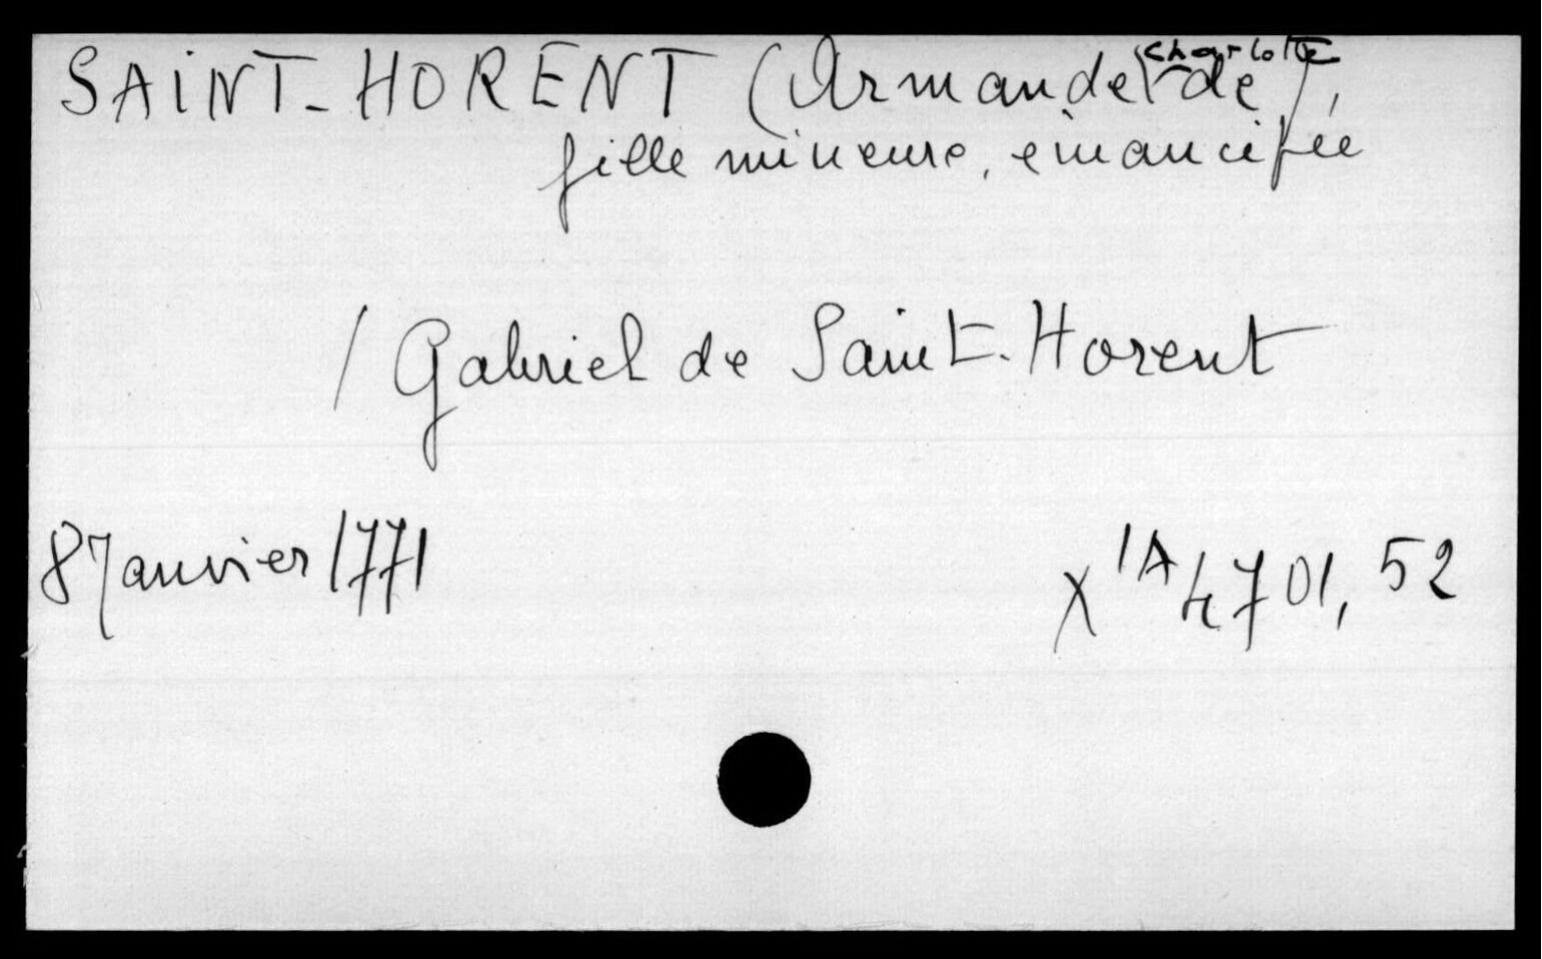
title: SAINT-HORENT (Armande Charlotte de) fille mineure, émancipée
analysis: Contre Gabriel de Saint-Horent
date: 8 janvier 1771
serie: X1A
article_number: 4701
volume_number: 52
